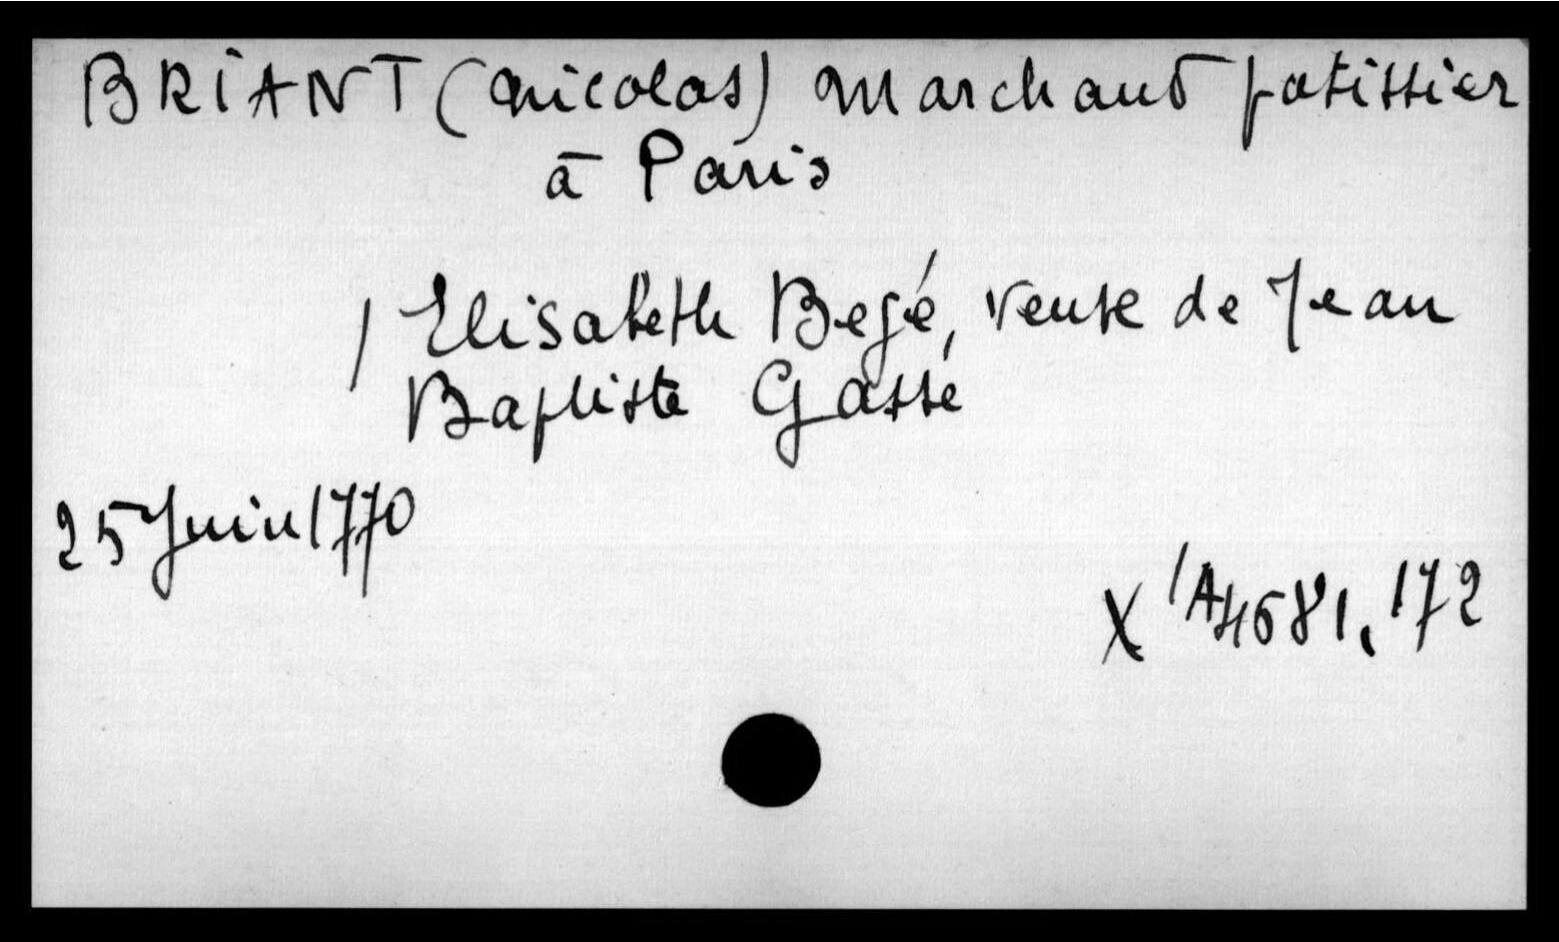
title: BRIANT (Nicolas) Marchand pâtissier à Paris
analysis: Contre Élisabeth Begé, veuve de Jean Bapliste Gassé
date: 25 juin 1770
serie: X1A
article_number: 4681
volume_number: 172
